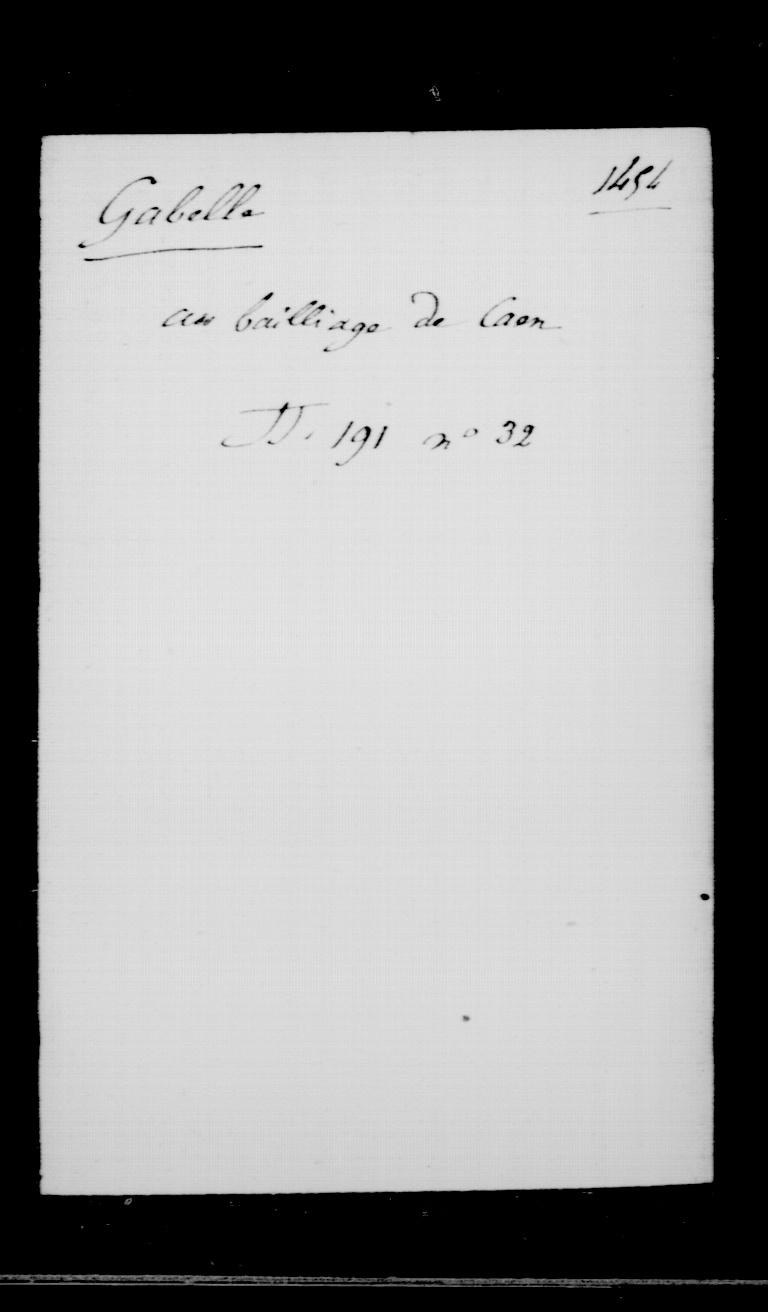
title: Gabelle
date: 1454
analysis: Au bailliage de Caen
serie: JJ
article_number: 191
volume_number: n° 32
